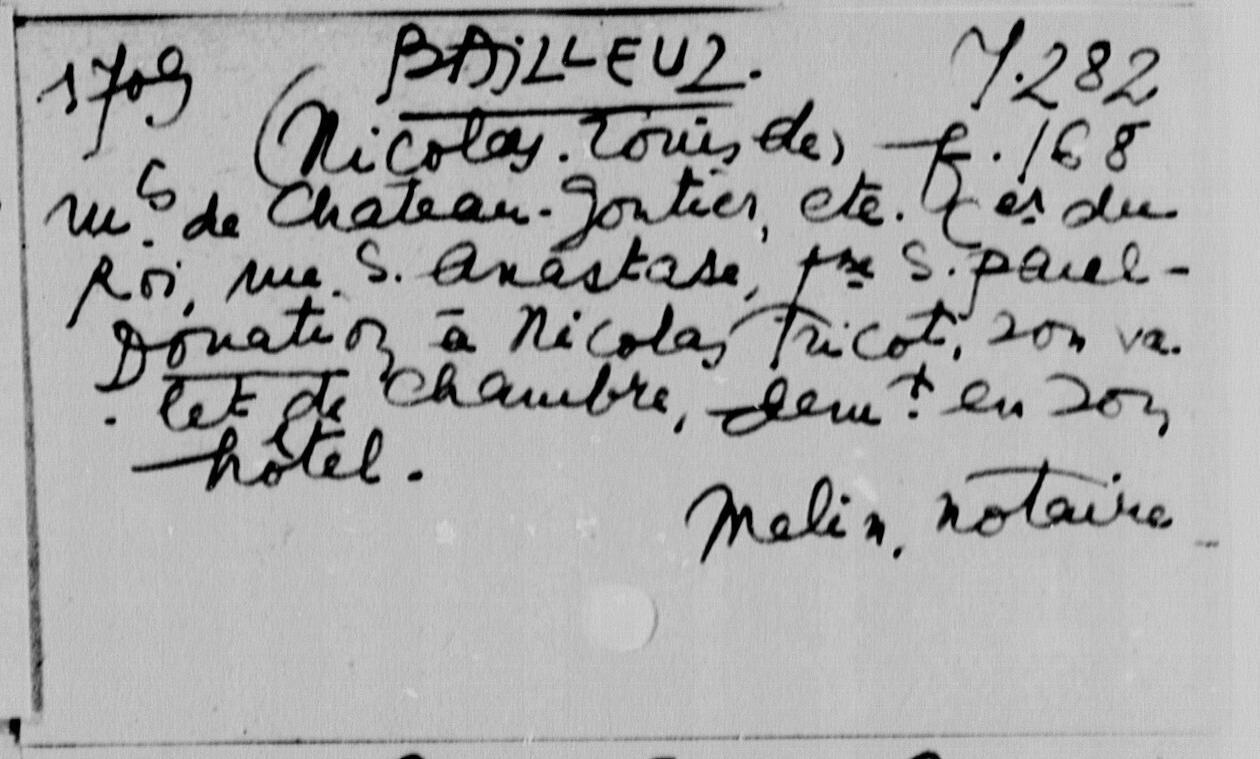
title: BAILLEUL (Nicolas-Louis de)
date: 1709
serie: Y
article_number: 282
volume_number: folio 168
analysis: Marquis de Château-Gontier, etc., conseiller du roi, rue Sainte-Anastase, paroisse Saint-Paul Donation à Nicolas Tricot, son valet de chambre, demeurant en son hôtel Melin, notaire.
